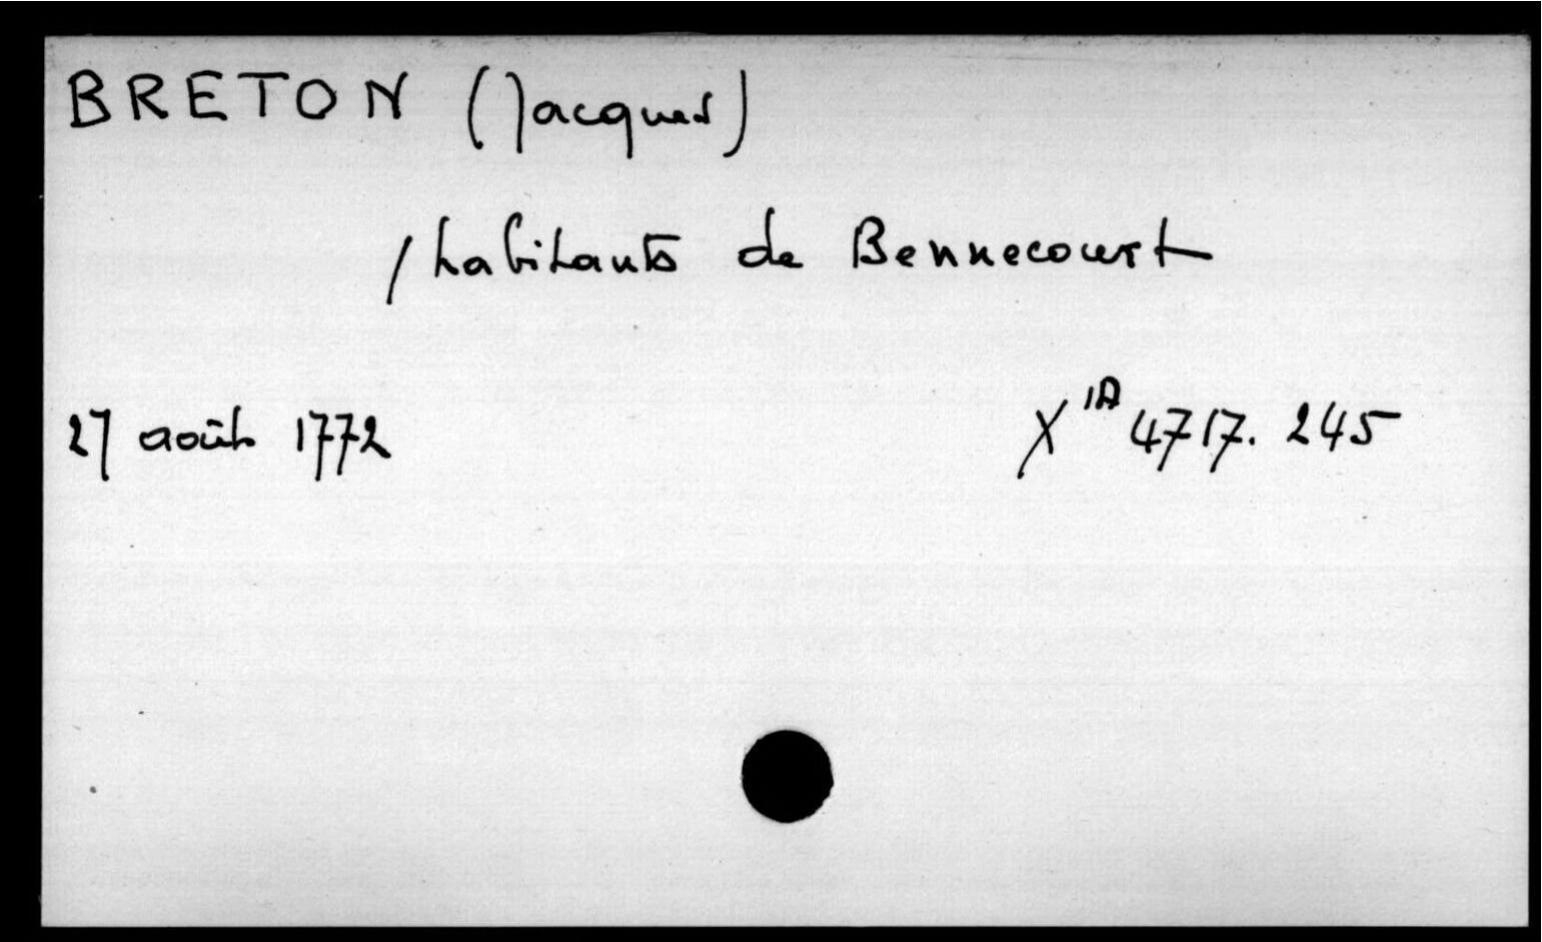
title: BRETON (Jacques)
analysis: Contre habitants de Bennecourt
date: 27 août 1772
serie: X1A
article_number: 4717
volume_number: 245
